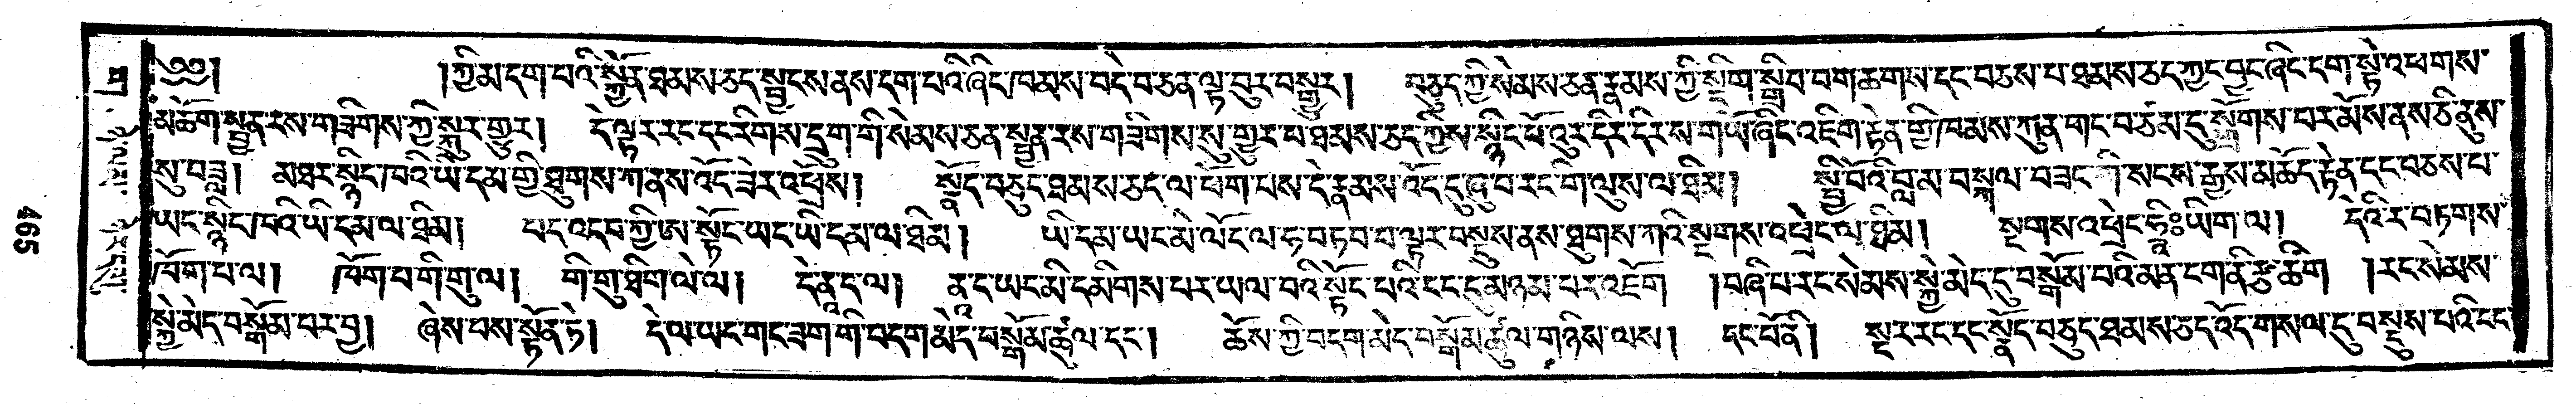༄༅། །ཀྱི་མ་དག་པའི་སྐྱོན་ཐམས་ཅད་སྦྱངས་ནས་དག་པའི་ཞིང་ཁམས་བདེ་བ་ཅན་ལྟ་བུར་བསྒྱུར། བཅུད་ཀྱི་སེམས་ཅན་རྣམས་ཀྱི་སྡིག་སྒྲིབ་བག་ཆགས་དང་བཅས་པ་ཐམས་ཅད་ཀྱང་བྱང་ཞིང་དག་སྟེ་འཕགས་
མཆོག་སྤྱན་རས་གཟིགས་ཀྱི་སྐུར་གྱུར། དེ་ལྟར་རང་དང་རིགས་དྲུག་གི་སེམས་ཅན་སྤྱན་རས་གཟིགས་སུ་གྱུར་པ་ཐམས་ཅད་ཀྱིས་སྙིང་པོ་འདུར་དིར་དིར་ས་གཡོ་ཞིང་འཇིག་རྟེན་གྱི་ཁམས་ཀུན་གང་བ་ཙམ་དུ་སྒྲོགས་པར་མོས་ནས་ཅི་ནུས་
སུ་བཟླ། མཐར་སྙིང་ཁའི་ཡི་དམ་གྱི་ཐུགས་ཀ་ནས་འོད་ཟེར་འཕྲོས། སྣོད་བཅུད་ཐམས་ཅད་ལ་ཕོག་པས་དེ་རྣམས་འོད་དུ་ཞུ་བ་རང་གི་ལུས་ལ་ཐིམ། སྤྱི་བོའི་བླ་མ་བསྐལ་བཟང་གི་སངས་རྒྱས་མཆོད་རྟེན་དང་བཅས་པ་
ཡང་སྙིང་ཁའི་ཡི་དམ་ལ་ཐིམ། པད་འདབ་ཀྱི་ཨ་སྟོང་ཡང་ཡི་དམ་ལ་ཐིམ། ཡི་དམ་ཡང་མེ་ལོང་ལ་ཧ་བཏབ་པ་ལྟར་བསྡུས་ནས་ཐུགས་ཀའི་སྔགས་འཕྲེང་ལ་ཐིམ། སྔགས་འཕྲེང་ཧྲཱིཿཡིག་ལ། དེའི་ར་བཏགས་
ཁོག་པ་ལ། ཁོག་པ་གི་གུ་ལ། གི་གུ་ཐིག་ལེ་ལ། དེ་ནཱ་ད་ལ། ནཱ་ད་ཡང་མི་དམིགས་པར་ཡལ་བའི་སྟོང་པའི་ངང་དུ་མཉམ་པར་འཇོག །བཞི་པ་རང་སེམས་སྐྱེ་མེད་དུ་བསྒོམ་པའི་མན་ངག་ནི་རྩ་ཚིག །རང་སེམས་
སྐྱེ་མེད་བསྒོམ་པར་བྱ། ཞེས་པས་སྟོན་ཏེ། དེ་ལ་ཡང་གང་ཟག་གི་བདག་མེད་བསྒོམ་ཚུལ་དང་། ཆོས་ཀྱི་བདག་མེད་བསྒོམ་ཚུལ་གཉིས་ལས། དང་པོ་ནི། སྔར་རང་དང་སྣོད་བཅུད་ཐམས་ཅད་འོད་གསལ་དུ་བསྡུས་པའི་ངང་